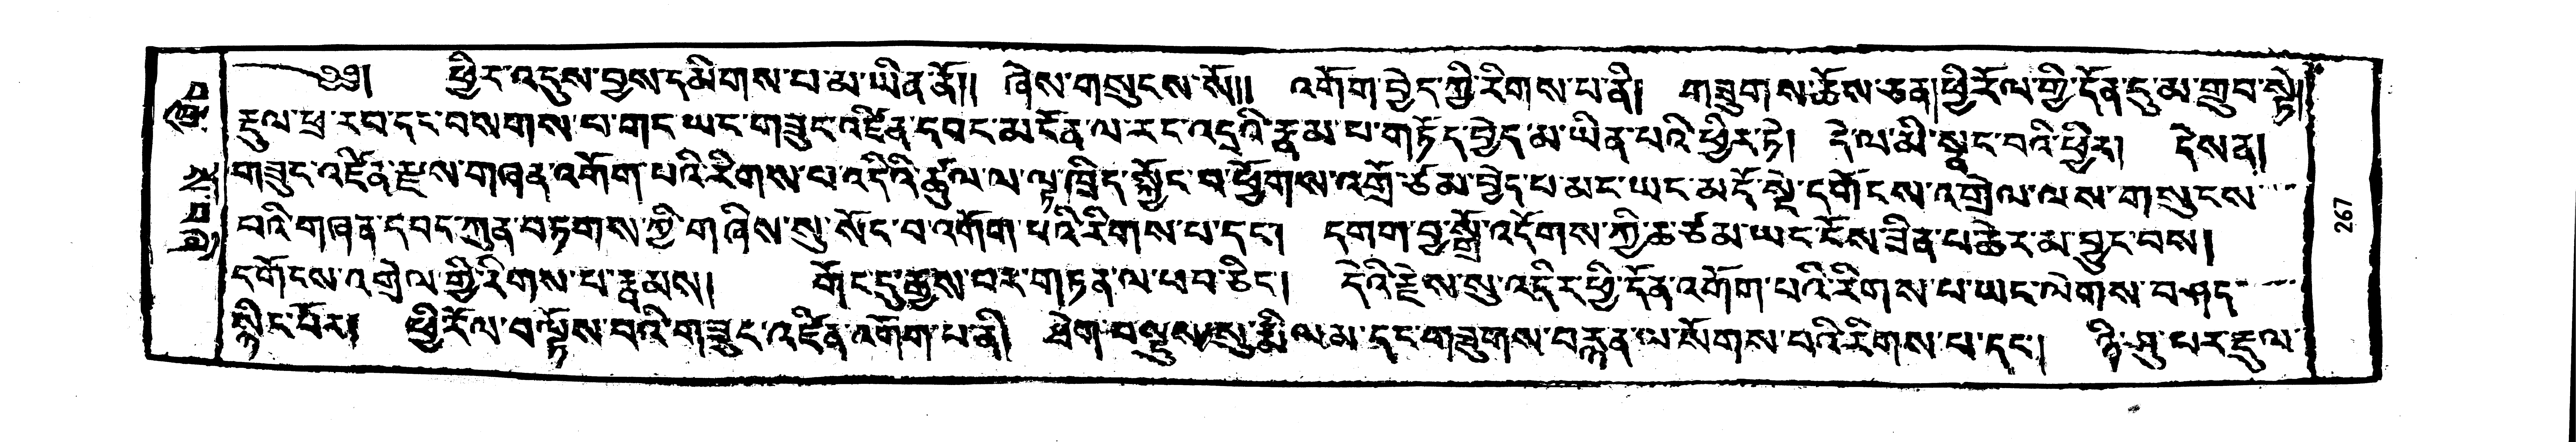༄༅། །ཕྱིར་འདུས་བྱས་དམིགས་པ་མ་ཡིན་ནོ། །ཞེས་གསུངས་སོ། །འགོག་བྱེད་ཀྱི་རིགས་པ་ནི། གཟུགས་ཆོས་ཅན། ཕྱི་རོལ་གྱི་དོན་དུ་མ་གྲུབ་སྟེ།
རྡུལ་ཕྲ་རབ་དང་བསགས་པ་གང་ཡང་གཟུང་འཛིན་དབང་མངོན་ལ་རང་འདྲའི་རྣམ་པ་གཏོད་བྱེད་མ་ཡིན་པའི་ཕྱིར་ཏེ། དེ་ལ་མི་སྣང་བའི་ཕྱིར། དེས་ན།
གཟུང་འཛིན་རྫས་གཞན་འགོག་པའི་རིགས་པ་འདིའི་ཚུལ་ལ་ལྟ་ཁྲིད་སྐྱོང་བ་ཕྱོགས་འགྲོ་ཙམ་བྱེད་པ་མང་ཡང་མདོ་སྡེ་དགོངས་འགྲེལ་ལས་གསུངས་
བའི་གཞན་དབང་ཀུན་བཏགས་ཀྱི་གཞིས་སུ་སོང་བ་འགོག་པའི་རིགས་པ་དང་། དགག་བྱ་སྒྲོ་འདོགས་ཀྱི་ཆ་ཙམ་ཡང་ངོས་ཟིན་པ་ཆེར་མ་བྱུང་བས།
དགོངས་འགྲེལ་གྱི་རིགས་པ་རྣམས། གོང་དུ་རྒྱས་པར་གཏན་ལ་ཕབ་ཅིང་། དེའི་རྗེས་སུ་འདིར་ཕྱི་དོན་འགོག་པའི་རིགས་པ་ཡང་ལེགས་བཤད་
སྙིང་པོར། ཕྱི་རོལ་བལྟོས་པའི་གཟུང་འཛིན་འགོག་པ་ནི། ཐེག་བསྡུས་སུ་རྨི་ལམ་དང་གཟུགས་བརྙན་ལ་སོགས་པའི་རིགས་པ་དང་། ཉི་ཤུ་པར་རྡུལ་